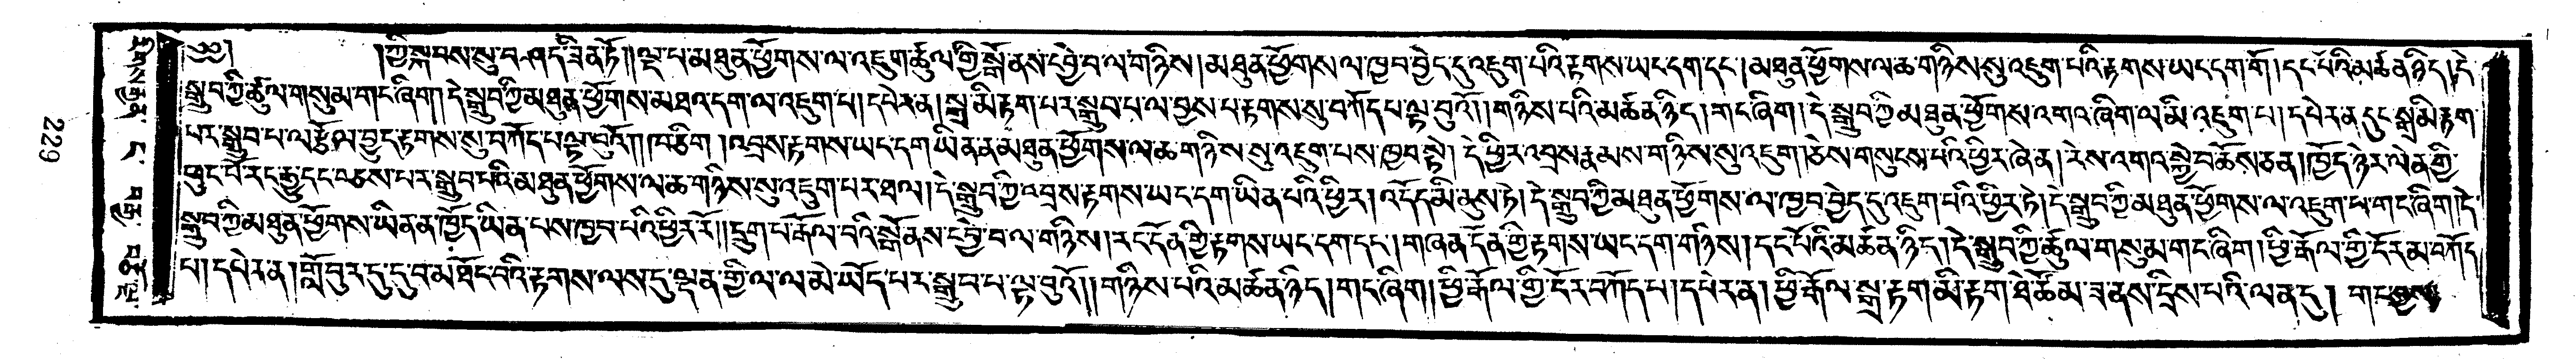༄༅། །ཀྱི་སྐབས་སུ་བཤད་ཟིན་ཏོ། ལྔ་པ་མཐུན་ཕྱོགས་ལ་འཇུག་ཚུལ་གྱི་སྒོ་ནས་དབྱེ་བ་ལ་གཉིས། མཐུན་ཕྱོགས་ལ་ཁྱབ་བྱེད་དུ་འཇུག་པའི་རྟགས་ཡང་དག་དང་། མཐུན་ཕྱོགས་ལ་ཆ་གཉིས་སུ་འཇུག་པའི་རྟགས་ཡང་དག་གོ། དང་པོའི་མཚན་ཉིད། དེ་
སྒྲུབ་ཀྱི་ཚུལ་གསུམ་གང་ཞིག །དེ་སྒྲུབ་ཀྱི་མཐུན་ཕྱོགས་མཐའ་དག་ལ་འཇུག་པ། དཔེར་ན། སྒྲ་མི་རྟག་པར་སྒྲུབ་པ་ལ་བྱས་པ་རྟགས་སུ་བཀོད་པ་ལྟ་བུའོ། །གཉིས་པའི་མཚན་ཉིད། གང་ཞིག །དེ་སྒྲུབ་ཀྱི་མཐུན་ཕྱོགས་འགའ་ཞིག་ལ་མི་འཇུག་པ། དཔེར་ན་དུང་སྒྲ་མི་རྟག་
པར་སྒྲུབ་པ་ལ་རྩོལ་བྱུང་རྟགས་སུ་བཀོད་པ་ལྟ་བུའོ། །ཁ་ཅིག །འབྲས་རྟགས་ཡང་དག་ཡིན་ན་མཐུན་ཕྱོགས་ལ་ཆ་གཉིས་སུ་འཇུག་པས་ཁྱབ་སྟེ། དེ་ཕྱིར་འབྲས་རྣམས་གཉིས་སུ་འཇུག །ཅེས་གསུངས་པའི་ཕྱིར་ཞེ་ན། རེས་འགའ་སྐྱེ་བ་ཆོས་ཅན། ཁྱོད་ཉེར་ལེན་གྱི་
ཕུང་པོ་རང་རྒྱུ་དང་བཅས་པར་སྒྲུབ་པའི་མཐུན་ཕྱོགས་ལ་ཆ་གཉིས་སུ་འཇུག་པར་ཐལ། དེ་སྒྲུབ་ཀྱི་འབྲས་རྟགས་ཡང་དག་ཡིན་པའི་ཕྱིར། འདོད་མི་ནུས་ཏེ། དེ་སྒྲུབ་ཀྱི་མཐུན་ཕྱོགས་ལ་ཁྱབ་བྱེད་དུ་འཇུག་པའི་ཕྱིར་ཏེ། དེ་སྒྲུབ་ཀྱི་མཐུན་ཕྱོགས་ལ་འཇུག་པ་གང་ཞིག །དེ་
སྒྲུབ་ཀྱི་མཐུན་ཕྱོགས་ཡིན་ན་ཁྱོད་ཡིན་པས་ཁྱབ་པའི་ཕྱིར་རོ། དྲུག་པ་རྒོལ་བའི་སྒོ་ནས་དབྱེ་བ་ལ་གཉིས། རང་དོན་གྱི་རྟགས་ཡང་དག་དང་། གཞན་དོན་གྱི་རྟགས་ཡང་དག་གཉིས། དང་པོའི་མཚན་ཉིད། དེ་སྒྲུབ་ཀྱི་ཚུལ་གསུམ་གང་ཞིག །ཕྱི་རྒོལ་གྱི་ངོར་མ་བཀོད་
པ། དཔེར་ན། གློ་བུར་དུ་དུ་བ་མཐོང་བའི་རྟགས་ལས་དུ་ལྡན་གྱི་ལ་ལ་མེ་ཡོད་པར་སྒྲུབ་པ་ལྟ་བུའོ། །གཉིས་པའི་མཚན་ཉིད། གང་ཞིག །ཕྱི་རྒོལ་གྱི་ངོར་བཀོད་པ། དཔེར་ན། ཕྱི་རྒོལ་སྒྲ་རྟག་མི་རྟག་ཐེ་ཚོམ་ཟ་ནས་དྲིས་པའི་ལན་དུ། གང་བྱས་